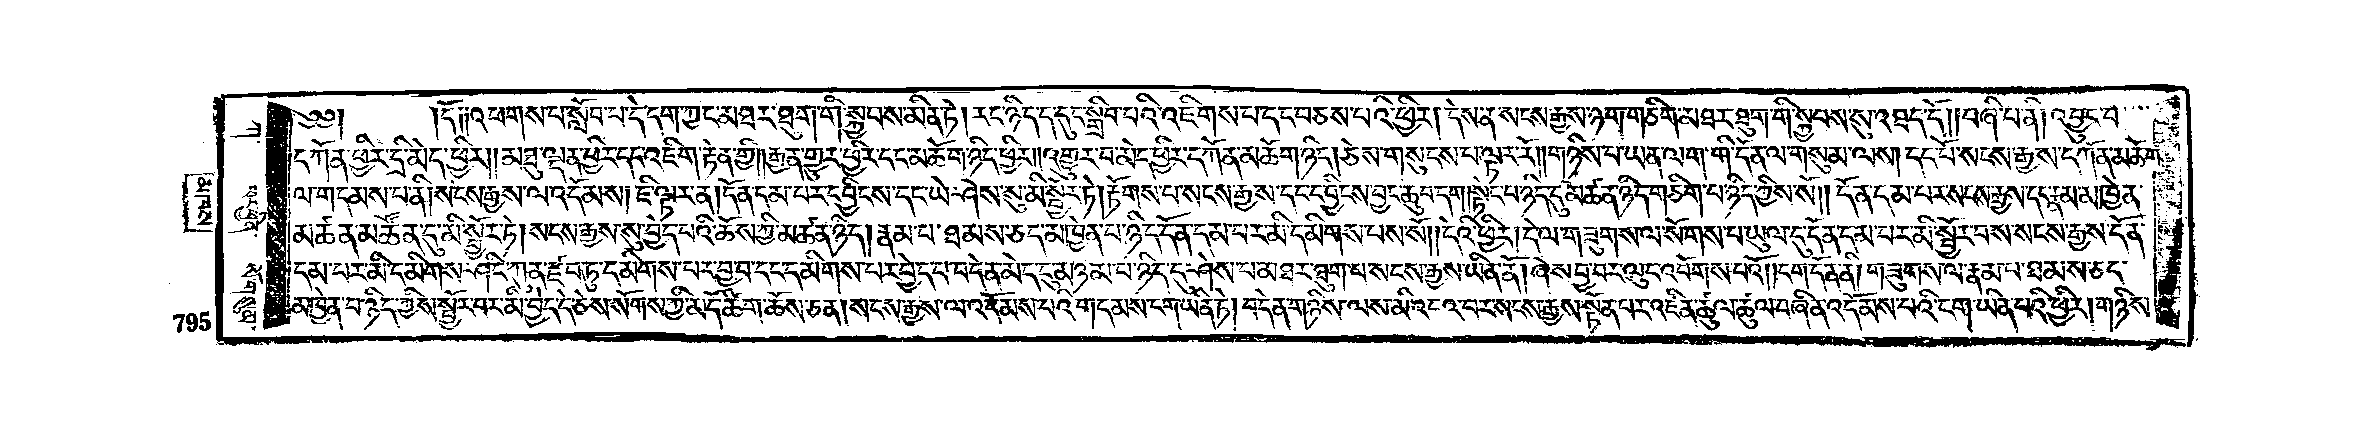༄༅། །དོ༑ ༑འཕགས་པ་སློབ་པ་དེ་དག་ཀྱང་མཐར་ཐུག་གི་སྐྱབས་མིན་ཏེ། རང་ཉིད་ད་དུང་སྒྲིབ་པའི་འཇིགས་པ་དང་བཅས་པའི་ཕྱིར། དེས་ན་སངས་རྒྱས་ཉག་གཅིག་མཐར་ཐུག་གི་སྐྱབས་སུ་འཐད་དོ། །བཞི་པ་ནི། འབྱུང་བ་
དཀོན་ཕྱིར་དྲི་མེད་ཕྱིར། །མཐུ་ལྡན་ཕྱིར་དང་འཇིག་རྟེན་གྱི། །རྒྱན་གྱུར་ཕྱིར་དང་མཆོག་ཉིད་ཕྱིར། །འགྱུར་བ་མེད་ཕྱིར་དཀོན་མཆོག་ཉིད། ཅེས་གསུངས་པ་ལྟར་རོ། །གཉིས་པ་ཡན་ལག་གི་དོན་ལ་གསུམ་ལས། དང་པོ་སངས་རྒྱས་དཀོན་མཆོག་
ལ་གདམས་པ་ནི། སངས་རྒྱས་ལ་འདོམས། ཇི་ལྟར་ན། དོན་དམ་པར་དབྱིངས་དང་ཡེ་ཤེས་སུ་མི་སྦྱོར་ཏེ། རྟོགས་པ་སངས་རྒྱས་དང་དབྱིངས་བྱང་ཆུབ་དག །སྟོང་པ་ཉིད་དུ་མཚན་ཉིད་གཅིག་པ་ཉིད་ཀྱིས་སོ། །དོན་དམ་པར་སངས་རྒྱས་དང་རྣམ་མཁྱེན་
མཚན་མཚོན་དུ་མི་སྦྱོར་ཏེ། སངས་རྒྱས་སུ་བྱེད་པའི་ཆོས་ཀྱི་མཚན་ཉིད། རྣམ་པ་ཐམས་ཅད་མཁྱེན་པ་ཉིད་དོན་དམ་པར་མི་དམིགས་པས་སོ། །དེའི་ཕྱིར། དེ་ལ་གཟུགས་ལ་སོགས་པ་ཡུལ་དུ་དོན་དམ་པར་མི་སྦྱོར་བས་སངས་རྒྱས་དོན་
དམ་པར་མི་དམིགས་ཤིང་ཀུན་རྫོབ་ཏུ་དམིགས་པར་བྱ་བ་དང་དམིགས་པར་བྱེད་པ་བདེན་མེད་དུ་མཉམ་པ་ཉིད་དུ་ཤེས་པ་མཐར་ཐུག་པ་སངས་རྒྱས་ཡིན་ནོ། ཞེས་བྱ་བར་ལུང་འབོགས་པའོ། །ངག་དོན་ནི། གཟུགས་ལ་རྣམ་པ་ཐམས་ཅད་
མཁྱེན་པ་ཉིད་ཀྱིས་སྦྱོར་བར་མི་བྱེད་དེ་ཅེས་སོགས་ཀྱི་མདོ་ཚིག་ཆོས་ཅན། སངས་རྒྱས་ལ་འདོམས་པའི་གདམས་ངག་ཡིན་ཏེ། བདེན་གཉིས་ལས་མི་འདའ་བར་སངས་རྒྱས་སྟོན་པར་འཛིན་ཚུལ་ཚུལ་བཞིན་འདོམས་པའི་ངག་ཡིན་པའི་ཕྱིར། གཉིས་